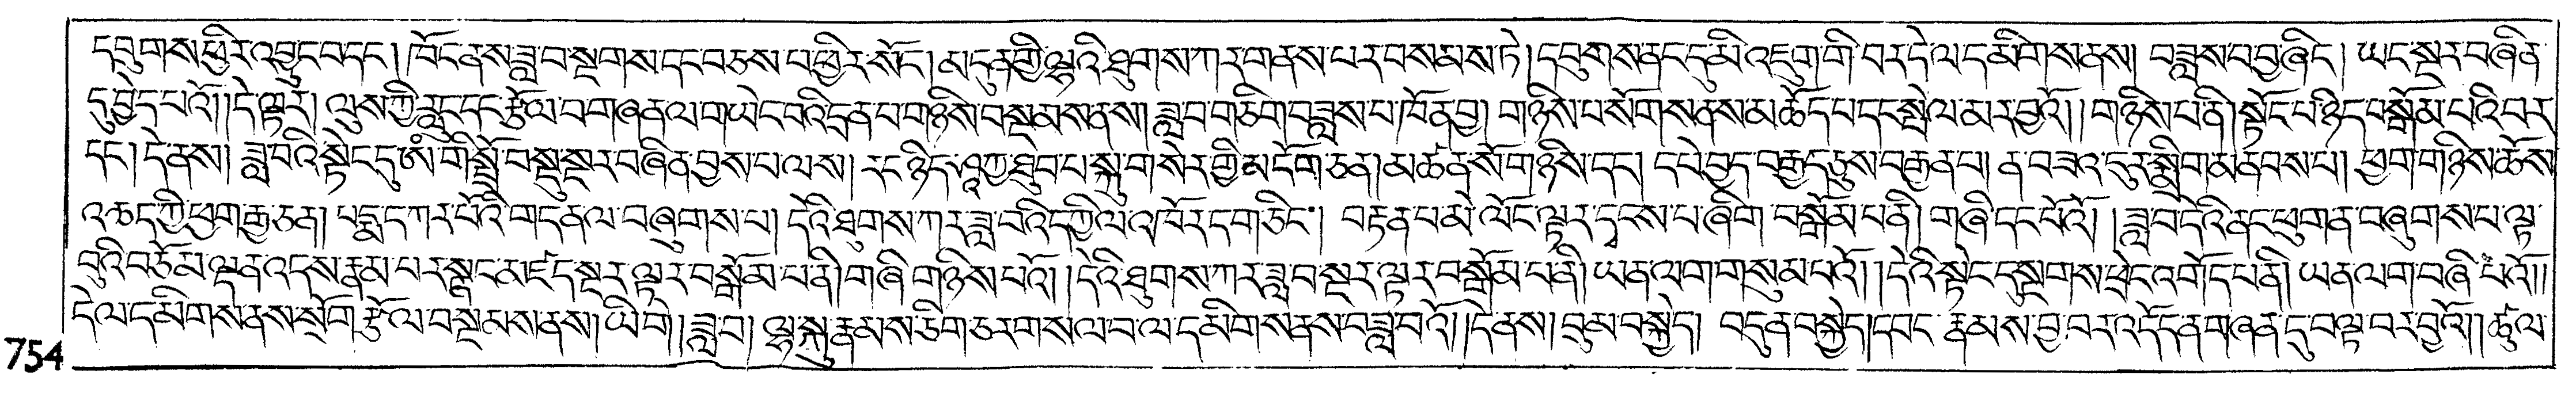དབུགས་ཕྱིར་འབྱུང་བ་དང་། ཁོང་ནས་ཟླ་བ་སྔགས་དང་བཅས་པ་ཕྱིར་སོང་། མདུན་གྱི་ལྷའི་ཐུགས་ཀར་གནས་པར་བསམས་ཏེ། དབུགས་ནང་དུ་མི་འཇུག་གི་བར་དེ་ལ་དམིགས་ནས། བཟླས་པ་བྱ་ཞིང་། ཡང་སྔར་བཞིན་
དུ་བྱེད་པའོ། །དེ་ལྟར། ལུས་ཀྱི་རླུང་དང་རྩོལ་བ་གཞན་ལ་གཡེང་བའི་དྲན་པ་གཉིས་བསྡམས་ནས། ཟླ་བ་གཅིག་བཟླས་པ་ཁོ་ན་བྱ། གཉིས་པ་སོགས་ནས་མཆོད་པ་དང་སྤེལ་མར་བྱའོ། །གཉིས་པ་ནི། སྟོང་པ་ཉིད་བསྒོམ་པའི་བར་
དང་། དེ་ནས། ཟླ་བའི་སྟེང་དུ་ཨཾ་གི་སྤྲོ་བསྡུ་སྔར་བཞིན་བྱས་པ་ལས། རང་ཉིད་ཤཱཀྱ་ཐུབ་པ་སྐུ་གསེར་གྱི་མདོག་ཅན། མཚན་སོ་གཉིས་དང་། དཔེ་བྱད་བརྒྱད་ཅུས་བརྒྱན་པ། ན་བཟའ་ངུར་སྨྲིག་མནབས་པ། ཕྱག་གཉིས་ཆོས་
འཆད་ཀྱི་ཕྱག་རྒྱ་ཅན། པདམ་དཀར་པོའི་གདན་ལ་བཞུགས་པ། དེའི་ཐུགས་ཀར་ཟླ་བའི་དཀྱིལ་འཁོར་དག་ཅིང་། བརྟན་པ་མེ་ལོང་ལྟར་དྭངས་པ་ཞིག་བསྒོམ་པ་ནི། གཞི་དང་པོའོ། །ཟླ་བ་དེའི་ནང་ཕུག་ན་བཞུགས་པ་ལྟ་
བུའི་བཅོམ་ལྡན་འདས་རྣམ་པར་སྣང་མཛད་སྔར་ལྟར་བསྒོམ་པ་ནི། གཞི་གཉིས་པའོ། །དེའི་ཐུགས་ཀར་ཟླ་བ་སྔར་ལྟར་བསྒོམ་པ་ནི། ཡན་ལག་གསུམ་པའོ། །དེའི་སྟེང་དུ་སྔགས་ཕྲེང་འགོད་པ་ནི། ཡན་ལག་བཞི་པའོ། །
དེ་ལ་དམིགས་ནས་སྲོག་རྩོལ་བསྡམས་ནས། ཡི་གེ །ཟླ་བ། ལྷ་སྐུ་རྣམས་ཅིག་ཅར་གསལ་བ་ལ་དམིགས་ནས་བཟླ་བའོ། །དེ་ནས། བུམ་བསྐྱེད། བདུན་བསྐྱེད། དབང་རྣམས་བྱ་བར་འདོད་ན་གཞན་དུ་བལྟ་བར་བྱའོ། །ཚུལ་